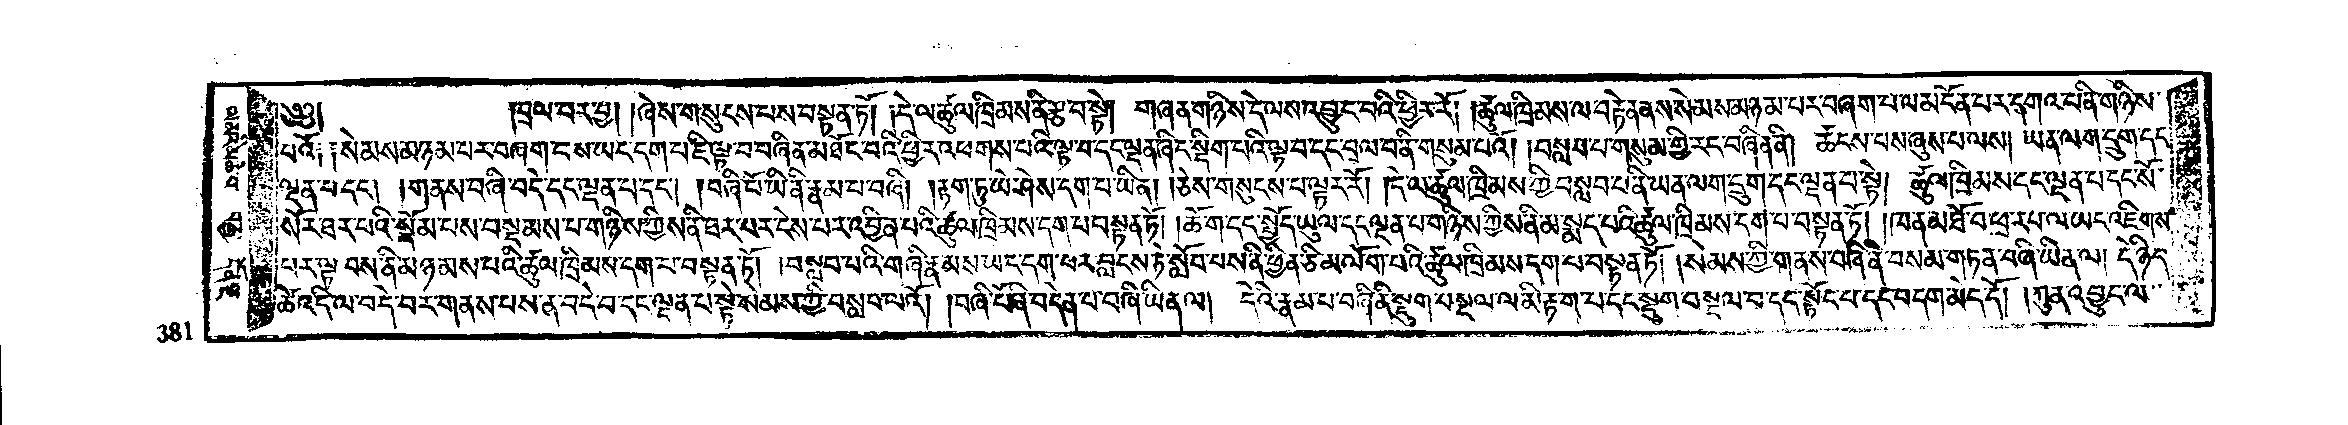༄༅། །བྲལ་བར་བྱ། །ཞེས་གསུངས་པས་བསྟན་ཏོ། །དེ་ལ་ཚུལ་ཁྲིམས་ནི་རྩ་བ་སྟེ། གཞན་གཉིས་དེ་ལས་འབྱུང་བའི་ཕྱིར་རོ། །ཚུལ་ཁྲིམས་ལ་བརྟེན་ནས་སེམས་མཉམ་པར་བཞག་པ་ལ་མངོན་པར་དགའ་བ་ནི་གཉིས་
པའོ༑ ༑སེམས་མཉམ་པར་བཞག་པས་ཡང་དག་པ་ཇི་ལྟ་བ་བཞིན་མཐོང་བའི་ཕྱིར་འཕགས་པའི་ལྟ་བ་དང་ལྡན་ཞིང་སྡིག་པའི་ལྟ་བ་དང་བྲལ་བ་ནི་གསུམ་པའོ། །བསླབ་པ་གསུམ་གྱི་རང་བཞིན་ནི། ཚངས་པས་ཞུས་པ་ལས། ཡན་ལག་དྲུག་དང་
ལྡན་པ་དང་། །གནས་བཞི་བདེ་དང་ལྡན་པ་དང་། །བཞི་པོ་ཡི་ནི་རྣམ་པ་བཞི། །རྟག་ཏུ་ཡེ་ཤེས་དག་པ་ཡིན། །ཅེས་གསུངས་པ་ལྟར་རོ། །དེ་ལ་ཚུལ་ཁྲིམས་ཀྱི་བསླབ་པ་ནི་ཡན་ལག་དྲུག་དང་ལྡན་པ་སྟེ། ཚུལ་ཁྲིམས་དང་ལྡན་པ་དང་སོ་
སོར་ཐར་པའི་སྡོམ་པས་བསྡམས་པ་གཉིས་ཀྱིས་ནི་ཐར་པར་ངེས་པར་འབྱིན་པའི་ཚུལ་ཁྲིམས་དག་པ་བསྟན་ཏོ། །ཆོ་ག་དང་སྤྱོད་ཡུལ་དང་ལྡན་པ་གཉིས་ཀྱིས་ནི་མ་སྨད་པའི་ཚུལ་ཁྲིམས་དག་པ་བསྟན་ཏོ། །ཁ་ན་མ་ཐོ་བ་ཕྲ་རབ་ལ་ཡང་འཇིགས་
པར་ལྟ་བས་ནི་མ་ཉམས་པའི་ཚུལ་ཁྲིམས་དག་པ་བསྟན་ཏོ། །བསླབ་པའི་གཞི་རྣམས་ཡང་དག་པར་བླངས་ཏེ་སློབ་པས་ནི་ཕྱིན་ཅི་མ་ལོག་པའི་ཚུལ་ཁྲིམས་དག་པ་བསྟན་ཏོ། །སེམས་ཀྱི་གནས་བཞི་ནི་བསམ་གཏན་བཞི་ཡིན་ལ། དེ་ཉིད་
ཚེ་འདི་ལ་བདེ་བར་གནས་པས་ན་བདེ་བ་དང་ལྡན་པ་སྟེ་སེམས་ཀྱི་བསླབ་པའོ། །བཞི་པོ་ནི་བདེན་པ་བཞི་ཡིན་ལ། དེའི་རྣམ་པ་བཞི་ནི་སྡུག་བསྔལ་ལ་མི་རྟག་པ་དང་སྡུག་བསྔལ་བ་དང་སྟོང་པ་དང་བདག་མེད་དོ། །ཀུན་འབྱུང་ལ་